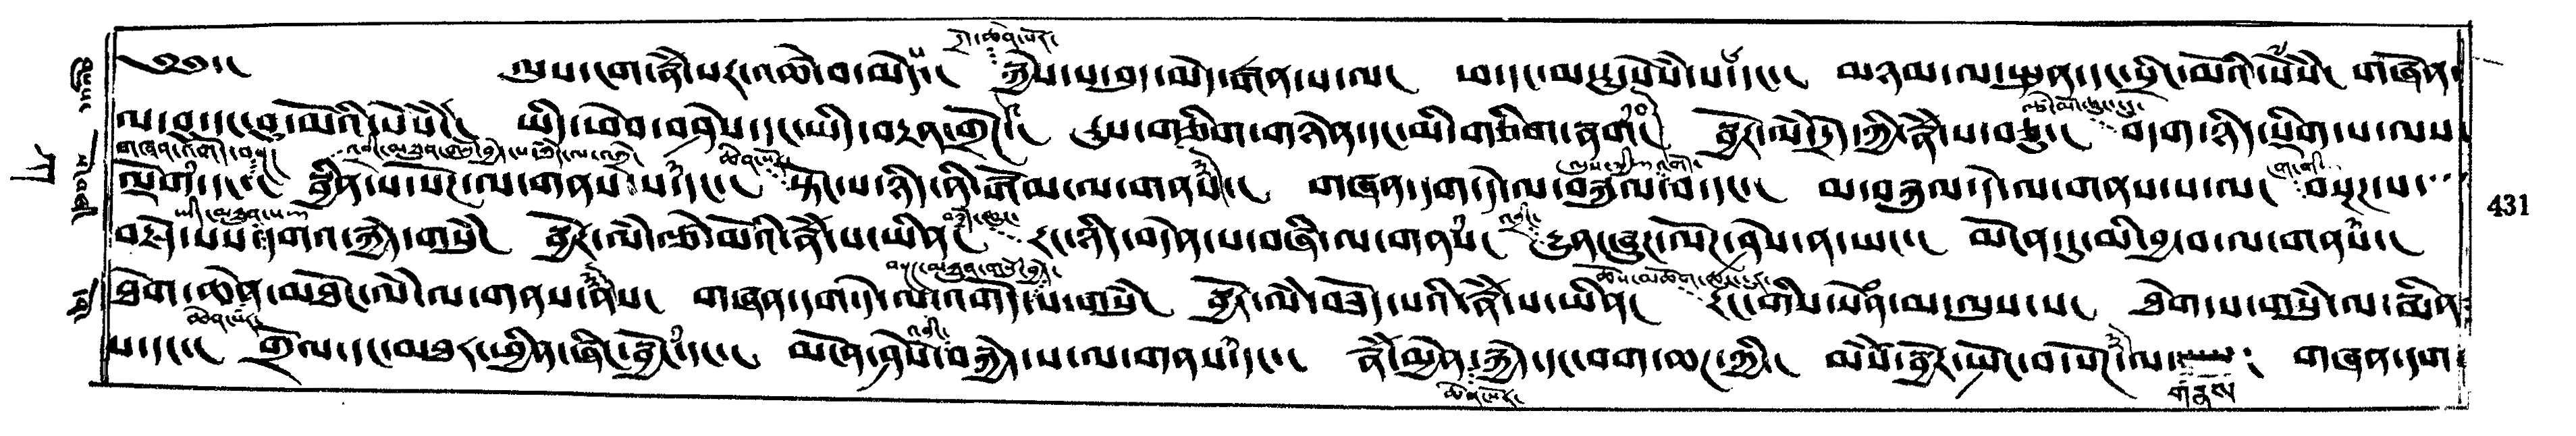ལུས་ངག་རྣམ་པར་འཚེ་བ་མེད།། དྲོད་ཆེན་པོར་སྐྱེས་པ་བུད་མེད་རྒན་པ་ལ། །ཕ་དང་མ་རུ་སེམས་པ་དང་། །མཉམ་ལ་སྤུན་དང་སྲིང་མོའི་སེམས། །གཞོན་
ལ་བུ་དང་བུ་མོའི་སེམས། །ཡིད་ཕེབས་བཤེས་དང་ཡིད་བརྟན་གྲོགས། །རུས་གཅིག་གཉེན་དང་མི་གཅིག་སྣག །སྦྱོར་ལམ་དྲོད་ཀྱི་རྣམ་པ་བཅུ། རྩེ་མོ་ཆུང་ངུ་བདག་ཉིད་སྡིག་པ་ལས་
ལྡོག་གཞན་འགོད་བསྔགས་དང་།།འབྲིང་མཐུན་གསུམ་བྱེད་པ་ཐམས་ཅད་ལ་འགྲེ། སྦྱིན་པ་སོགས་ལ་གནས་པ་དང་།། ཆེན་པོར་སྟོང་པ་ཉིད་ནི་སྒོམ་ལ་གནས། །གཞན་དག་དེ་ལ་བསྐུལ་བ་ལུས་ཀྱིས་འགོད་དང་། །མ་བསྐུལ་དེ་ལ་གནས་པ་ལ།། ངག་གི་བསྔགས་པ་
བརྗོད་པས་ཡིད་མཐུན་པས་དགའ་སྐྱེད་གསུམ། །སྦྱོར་ལམ་རྩེ་མོའི་རྣམ་པ་ཡིན།། བཟོད་ཆུང་རང་ཉིད་བདེན་པ་བཞི་ལ་གནས། འབྲིང་རྒྱུན་ཞུགས་ལ་སོགས་ཤེས་ན་ཡང་། །མངོན་དུ་མི་བྱ་བ་ལ་གནས། །
ཐེག་ཆེན་ཆེན་པོར་མཐོང་ལམ་ལ་གནས་ནས། །གཞན་དག་དེ་ལ་འགོད་པ་བསྔགས་མཐུན་གསུམ་བྱེད་གསུམ། །སྦྱོར་ལམ་བཟོད་པའི་རྣམ་པ་ཡིན།། ཆོས་མཆོག་ཆུང་ངུར་རང་གིས་སེམས་ཅན་མ་ལུས་པ། །ཐེག་པ་གསུམ་ལ་སྨིན་
པ་དང་། །གྲོལ་དང་མཐར་ཕྱིན་ཞིང་སྦྱོང་དང་། །མངཽན་ཤེས་འབྲིང་བསྐྱེད་པ་ལ་གནས་དང་། །རྣམ་མཁྱེན་ཆེན་པོར་སྐྱེད་དང་བག་ཆགས་ཀྱི། །མཚམས་སྦྱོར་སྤོང་བ་སོགས་ལ་གནས། །གཞན་དག་